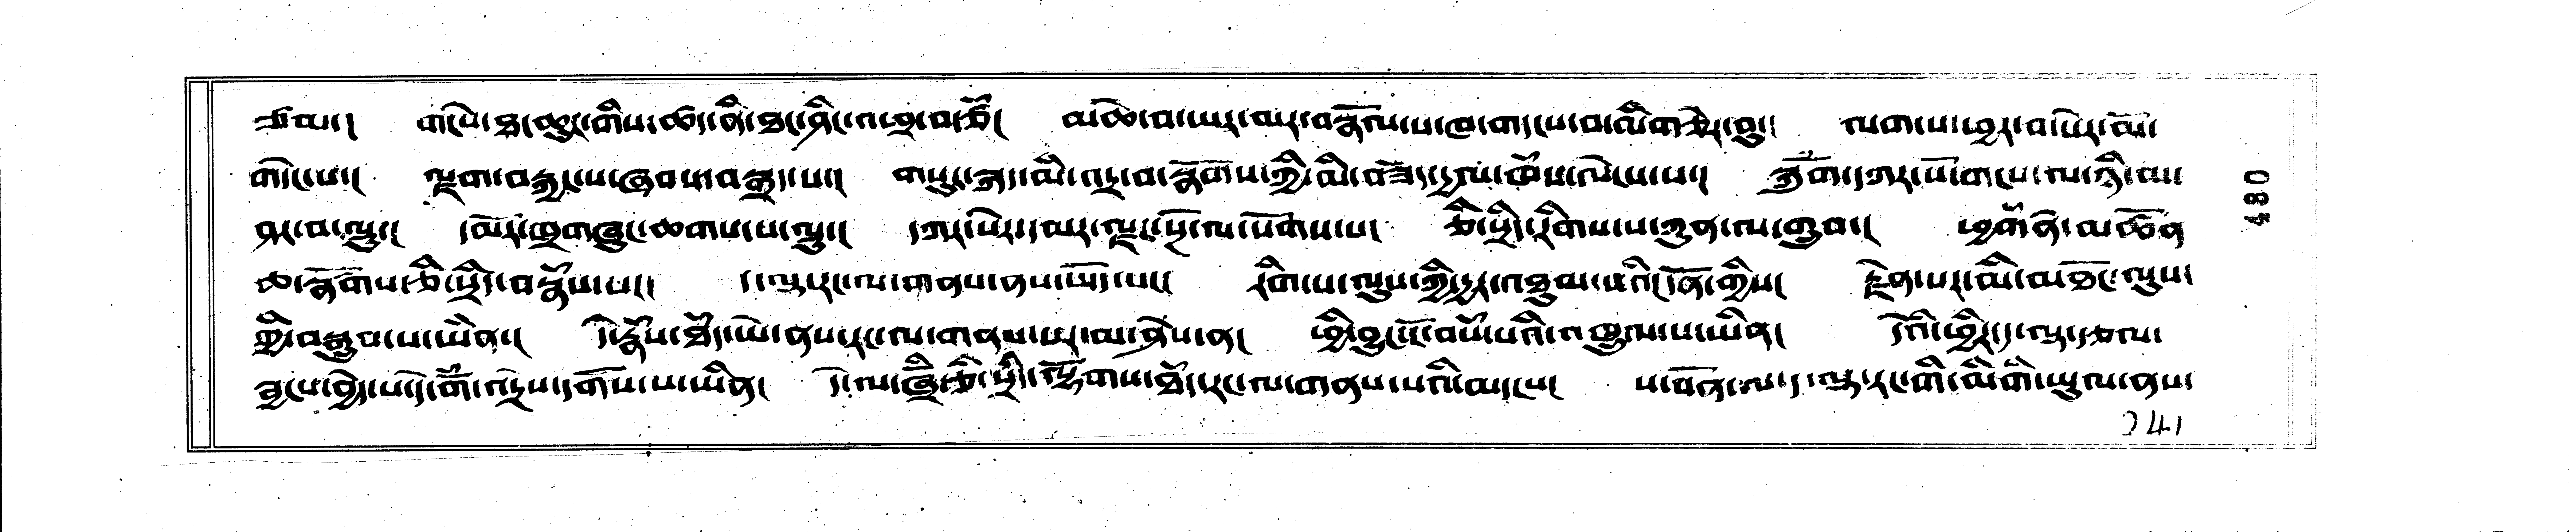ཙམ། གང་སེ་ཐ་ཆུང་གིས་ཚད་ནི་ཐང་ཤིང་འཕྲ་བ་རྩམ་༼ཙམ༽། མཆེ་བ་ཡར་མར་བསྣོལ་བ་ཁ་གདངས་པ། མིག་གཅེར་བ། ལག་པ་ཕྱར་བ། སོར་མོ་
གདེང་བ། ལྗགས་བརྐྱང་བ། ཞབས་བསྒྲད་པ། གསུང་སྐད་མི་འདྲ་བ་སྣ་ཚོགས་ཀྱིས་མི་བཟད་རྒྱལ་ཁམས་ཁེང་པ། སྐུ་མདོག་དཀར་པོ་གངས་རི་ལ་ཉི་མ་
ཤར་བ་ལྟ་བུ། དམར་པོ་ཁྲག་གཞོང་ཆགས་པ་ལྟ་བུ། དཀར་སེར་དམར་ལྗང་སྔོ་བ་ལ་སོགས་པ། ཅི་སྲིད་རིག་པ་ཀུན་ལ་གྲུབ་པ། ཕྱག་ན་མཚོན་
ཚོགས་ཅི་སྲིད་བསྣམས་པ། ད་ལྟ་རང་ལ་གནས་ནས་ཡོད་པས། རིག་པ་ལུས་ཀྱི་རྒྱར་འཐུམ་པའི་དོན་གྱིས། རྗེན་པར་མི་མཐོང་ལུས་
ཀྱི་སྒྲིབ་པ་ཡིན། དེ་རྣམས་ཐམས་ཅད་ཡེ་ནས་རང་ལ་གནས་པ་མ་ཤེས་ནས། ཕྱི་ན་འབྱུང་ངམ། བསམ་པ་འཁྲུལ་པ་ཡིན། དེའི་ཕྱིར་ན་ད་ལྟ་རྩལ་
སྦྱོར་༼སྦྱོང༽བྱེད་པ་སྟེ་གོམ་འདྲིས་དགོས་པ་ཡིན། དེ་ལ་ཞི་ཁྲོ་ཅི་སྲིད་ལྷ་ཚོགས་ཐམས་ཅད་རང་ལ་གནས་པའི་གདང་། ས་བོན་ལ་ད་ལྟ་རང་གིས་མིག་གིས་ཡུལ་ན་